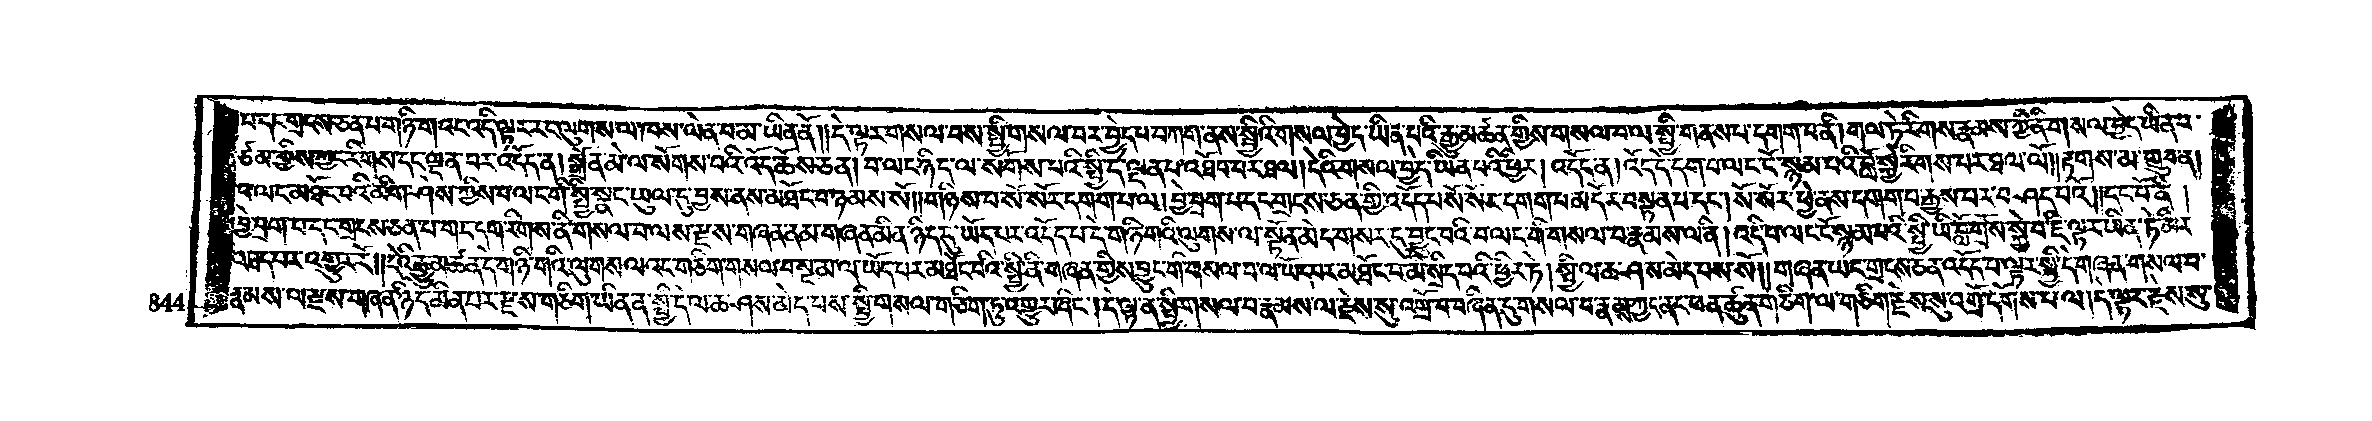པ་དང་གྲངས་ཅན་པ་གཉི་གའང་འདི་ལྟར་རང་ལུགས་ལ་ཁས་ལེན་པ་མ་ཡིན་ནོ། །དེ་ལྟར་གསལ་བས་སྤྱི་གསལ་བར་བྱེད་པ་བཀག་ནས་སྤྱིའི་གསལ་བྱེད་ཡིན་པའི་རྒྱུ་མཚན་གྱིས་གསལ་བ་ལ་སྤྱི་གནས་པ་དགག་པ་ནི། གལ་ཏེ་རིགས་རྣམས་ཀྱི་ནི་གསལ་བྱེད་ཡིན་པ་
ཙམ་གྱིས་ཀྱང་རིགས་དང་ལྡན་པར་འདོད་ན། སྒྲོན་མེ་ལ་སོགས་པའི་འོད་ཆོས་ཅན། བ་ལང་ཉིད་ལ་སོགས་པའི་སྤྱི་དེ་ལྡན་པ་འཐོབ་པར་ཐལ། དེའི་གསལ་བྱེད་ཡིན་པའི་ཕྱིར། འདོད་ན། འོད་དེ་དག་བ་ལང་ངོ་སྙམ་པའི་བློ་སྐྱེ་རིགས་པར་ཐལ་ལོ། །རྟགས་མ་གྲུབ་ན།
བ་ལང་མཐོང་བའི་མིག་ཤེས་ཀྱིས་བ་ལང་གི་སྤྱི་སྣང་ཡུལ་དུ་བྱས་ནས་མཐོང་བ་ཉམས་སོ། །གཉིས་པ་སོ་སོར་དགག་པ་ལ། བྱེ་བྲག་པ་དང་གྲངས་ཅན་གྱི་འདོད་པ་སོ་སོར་དགག་པ་མདོར་བསྟན་པ་དང་། སོ་སོར་ཕྱེ་ནས་དགག་པ་རྒྱས་པར་བཤད་པའོ། །དང་པོ་ནི།
བྱེ་བྲག་པ་དང་གྲངས་ཅན་པ་གང་དག་རིགས་ནི་གསལ་བ་ལས་རྫས་གཞན་ནམ་གཞན་མིན་ཉིད་དུ་ཡོད་པར་འདོད་པ་དེ་གཉི་གའི་ལུགས་ལ་སྟོན་མེད་གསར་དུ་བྱུང་བའི་བ་ལང་གི་གསལ་བ་རྣམས་ལ་ནི། འདི་བ་ལང་ངོ་སྙམ་པའི་སྤྱི་ཡི་བློ་གྲོས་སྐྱེ་བ་ཇི་ལྟར་ཡིན་ཏེ་མིར་
འཐད་པར་འགྱུར་རོ། །དེའི་རྒྱུ་མཚན་དེ་གཉི་གའི་ལུགས་ལའང་གཅིག་གསལ་བ་སྔ་མ་ལ་ཡོད་པར་མཐོང་བའི་སྤྱི་ནི་གཞན་གྱིས་བྱུང་གི་གསལ་བ་ལ་ཡོད་པར་མཐོང་བ་མི་སྲིད་པའི་ཕྱིར་ཏེ། སྤྱི་ལ་ཆ་ཤས་མེད་པས་སོ། །གཞན་ཡང་གྲངས་ཅན་འདོད་པ་ལྟར་སྤྱི་དེ་གཞན་གསལ་བ་
རྣམས་ལ་རྫས་གཞན་ཉིད་མིན་པར་རྫས་གཅིག་ཡིན་ན་སྤྱི་དེ་ལ་ཆ་ཤས་མེད་པས་སྤྱི་གསལ་གཅིག་ཏུ་འགྱུར་ཞིང་། དེ་ལྟ་ན་སྤྱི་གསལ་བ་རྣམས་ལ་རྗེས་སུ་འགྲོ་བ་བཞིན་དུ་གསལ་བ་རྣམས་ཀྱང་ནང་ཕན་ཚུན་གཅིག་ལ་གཅིག་རྗེས་སུ་འགྲོ་དགོས་པ་ལ། དེ་ལྟར་རྗེས་སུ་